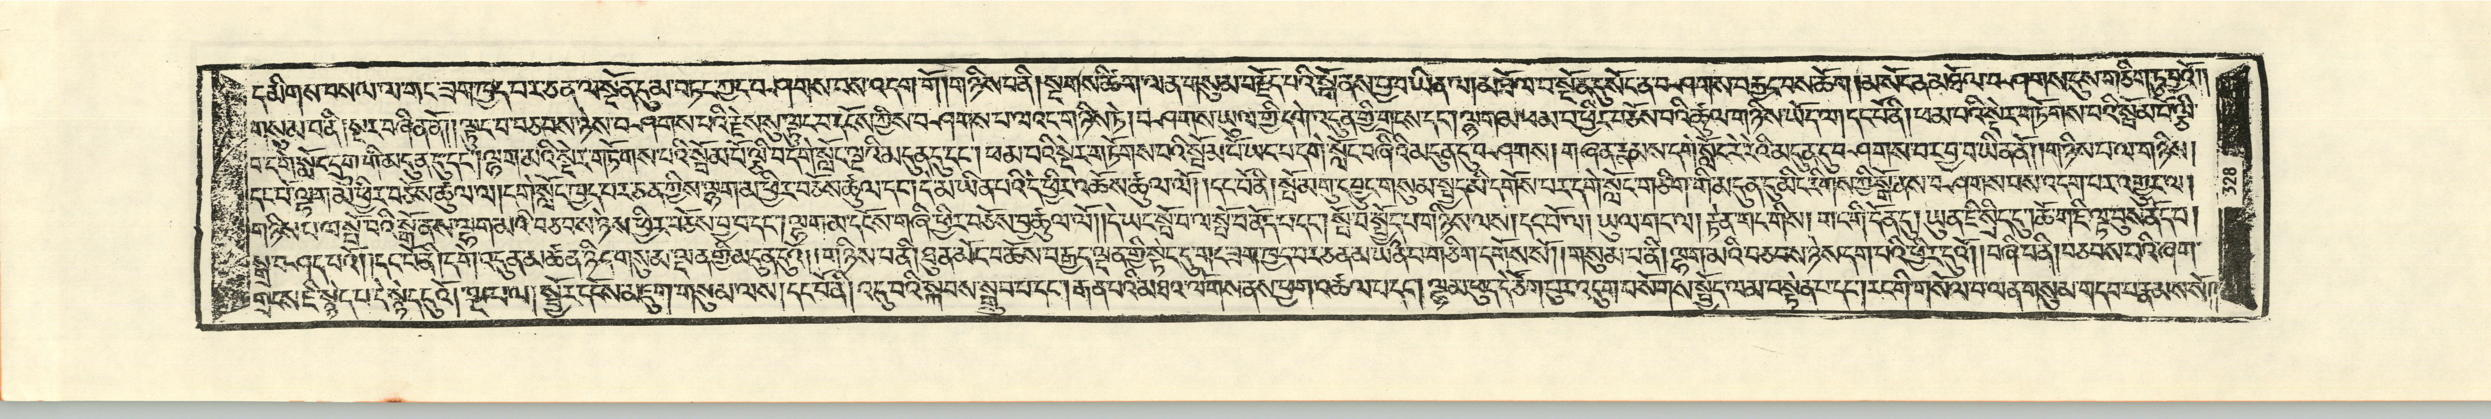དམིགས་བསལ་ལ་གང་ཟག་ཁྱད་པར་ཅན་ལ་སྔོན་དུ་མ་བཏང་ཀྱང་བཤགས་པས་འདག་གོ །གཉིས་པ་ནི། སྔགས་ཚིག་ལན་གསུམ་བརྗོད་པའི་སྒོ་ནས་བྱ་བ་ཡིན་ལ། མཐོལ་བ་སྔོན་དུ་སོང་ན་བཤགས་བརྐྱང་བས་ཆོག །མ་སོང་ན་མཐོལ་བཤགས་དུས་གཅིག་ཏུ་བྱའོ།།
གསུམ་པ་ནི། སྔར་བཞིན་ནོ། །ལྟུང་བ་བཅབས་ཉེས་བཤགས་པའི་རྗེས་སུ་ལྟུང་བ་དངོས་ཀྱིས་བཤགས་པ་ལའང་གཉིས་ཏེ། བཤགས་ཡུལ་གྱི་དགེ་འདུན་གྱི་གྲངས་དང་། ལྷག་མ་ཕམ་པ་ཕྱིར་བཅོས་པའི་ཚུལ་གཉིས་ཡོད་ལ། དང་པོ་ནི། ཕམ་པའི་སྡེར་གཏོགས་པའི་སྦོམ་པོ་ལྕི་
བ་དགེ་སློང་དྲུག་གི་མདུན་དུ་དང་། ལྷག་མའི་སྡེར་གཏོགས་པའི་སྦོམ་པོ་ལྕི་བ་དགེ་སློང་ལྔའི་མདུན་དུ་དང་། ཕམ་པའི་སྡེར་གཏོགས་པའི་སྦོམ་པོ་ཡང་པ་དགེ་སློང་བཞིའི་མདུན་དུ་བཤགས། གཞན་རྣམས་དགེ་སློང་རེ་རེའི་མདུན་དུ་བཤགས་པར་བྱ་བ་ཡིན་ནོ། །གཉིས་པ་ལ་གཉིས།
དང་པོ་ལྷག་མ་ཕྱིར་བཅོས་ཚུལ་ལ། དགེ་སློང་ཁྱད་པར་ཅན་གྱིས་ལྷག་མ་ཕྱིར་བཅོས་ཚུལ་དང་། དེ་མ་ཡིན་པའི་དེ་ཕྱིར་འཆོས་ཚུལ་ལོ། །དང་པོ་ནི། སྤོ་མགུ་དབྱུང་གསུམ་སྤྱད་མི་དགོས་པར་དགེ་སློང་གཅིག་གི་མདུན་དུ་མིང་རིགས་ཀྱི་སྒོ་ནས་བཤགས་བས་འདག་པར་འགྱུར་ལ།
གཉིས་པ་ལ་སྤོ་བའི་སྒོ་ནས་ལྷག་མའི་བཅབས་ཉེས་ཕྱིར་བཅོས་བྱ་བ་དང་། ལྷག་མ་དངོས་གཞི་ཕྱིར་བཅོས་བྱ་ཚུལ་ལོ། །དེ་ཡང་སྤོ་བ་ལ་སྤོ་བ་ནོད་པ་དང་། སྤོ་བ་སྤྱོད་པ་གཉིས་ལས། དང་པོ་ལ། ཡུལ་གང་ལ། རྟེན་གང་གིས། གང་གི་དོན་དུ། ཡུན་ཇི་སྲིད་དུ། ཆོ་ག་ཇི་ལྟ་བུས་ནོད་པ།
སྒྲ་བཤད་པའོ། །དང་པོ་ནི། དགེ་འདུན་མཚན་ཉིད་གསུམ་ལྡན་གྱི་མདུན་དུའོ། །གཉིས་པ་ནི། ཐུན་མོང་བ་ཆོས་བརྒྱད་ལྡན་གྱི་སྟེང་དུ་གང་ཟག་ཁྱད་པར་ཅན་མ་ཡིན་པ་གཅིག་དགོས་སོ། །གསུམ་པ་ནི། ལྷག་མའི་བཅབས་ཉེས་དག་པའི་ཕྱིར་དུའོ། །བཞི་པ་ནི། བཅབས་པའི་ཞག་
གྲངས་ཇི་སྙེད་པ་དེ་སྙེད་དུའོ། །ལྔ་པ་ལ། སྦྱོར་དངོས་མཇུག་གསུམ་ལས། དང་པོ་ནི། འདུ་བའི་སྐབས་སྒྲུབ་པ་དང་། རྒན་པའི་མཐའ་ལོགས་ནས་ཕྱག་འཚལ་པ་དང་། ལྷམ་ཕུད་དེ་ཙོག་པུར་འདུག་པ་སོགས་སྤྱོད་ལམ་བསྟེན་པ་དང་། རང་གི་གསོལ་བ་ལན་གསུམ་གདབ་པ་རྣམས་སོ།།